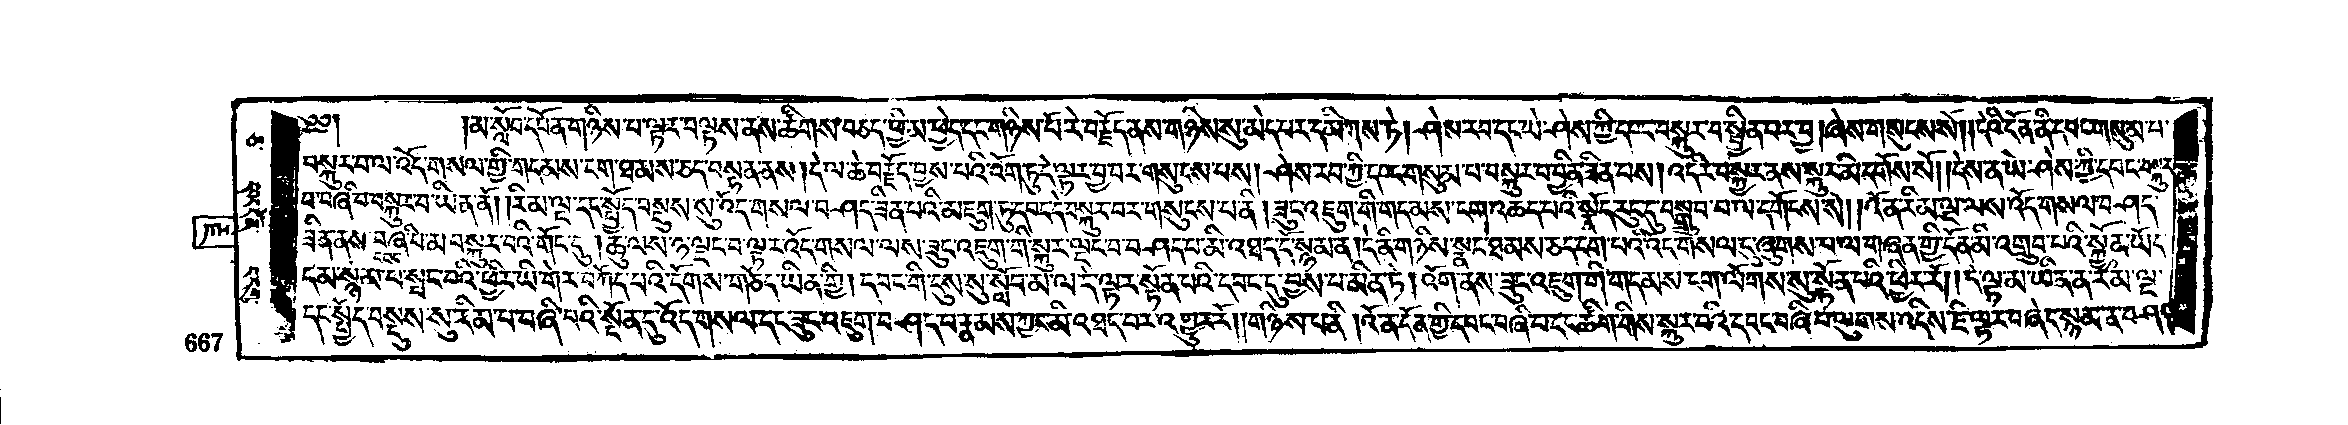༄༅། །མ་སློབ་དཔོན་གཉིས་པ་ལྟར་བལྟས་ན་ཚིགས་བཅད་ཕྱི་མ་ཕྱེད་དང་གཉིས་པོ་རེ་བརྗོད་ནས་གཉིས་སུ་མེད་པར་དམིགས་ཏེ། ཤེས་རབ་དང་ཡེ་ཤེས་ཀྱི་དབང་བསྐུར་བ་སྦྱིན་པར་བྱ། ཞེས་གསུངས་སོ། །དེའི་དོན་ནི་དབང་གསུམ་པ་
བསྐུར་བ་ལ་འོད་གསལ་གྱི་གདམས་ངག་ཐམས་ཅད་བསྟན་ནས། དེ་ལ་ཆེ་བརྗོད་བྱས་པའི་འོག་ཏུ་དེ་ལྟར་བྱ་བར་གསུངས་པས། ཤེས་རབ་ཀྱི་དབང་གསུམ་པ་བསྐུར་བ་བྱིན་ཟིན་པས། འདིར་བསྐྱར་ནས་སྐུར་མི་དགོས་སོ། །དེས་ན་ཡེ་ཤེས་ཀྱི་དབང་བསྐུར་
བ་བཞི་པ་བསྐུར་བ་ཡིན་ནོ། །རིམ་ལྔ་དང་སྤྱོད་བསྡུས་སུ་འོད་གསལ་བཤད་ཟིན་པའི་མཇུག་ཏུ་དབང་དེ་བསྐུར་བར་གསུངས་པ་ནི། ཟུང་འཇུག་གི་གདམས་ངག་འཆད་པའི་སྣོད་རུང་དུ་བསྒྲུབ་པ་ལ་དགོངས་སོ། །འོ་ན་རིམ་ལྔ་ལས་འོད་གསལ་བཤད་
ཟིན་ནས་དབང་བཞི་པ་མ་བསྐུར་བའི་གོང་དུ། ཆུ་ལས་ཉ་ལྡང་བ་ལྟར་འོད་གསལ་ལས་ཟུང་འཇུག་གི་སྐུར་ལྡང་བ་བཤད་པ་མི་འཐད་དོ་སྙམ་ན། དེ་ནི་གཉིས་སྣང་ཐམས་ཅད་དག་པའི་འོད་གསལ་དུ་ཞུགས་པ་ལ་གཞན་གྱི་དོན་མི་འགྲུབ་པའི་སྐྱོན་ཡོད་
དམ་སྙམ་པ་སྤང་བའི་ཕྱིར་ཡི་གེར་བཀོད་པའི་དོགས་གཅོད་ཡིན་གྱི། དབང་གི་དུས་སུ་སློབ་མ་ལ་དེ་ལྟར་སྟོན་པའི་དབང་དུ་བྱས་པ་མིན་ཏེ། འོག་ནས་ཟུང་འཇུག་གི་གདམས་ངག་ལོགས་སུ་སྟོན་པའི་ཕྱིར་རོ། །དེ་ལྟ་མ་ཡིན་ན་རིམ་ལྔ་
དང་སྤྱོད་བསྡུས་སུ་རིམ་པ་བཞི་པའི་སྔོན་དུ་འོད་གསལ་དང་ཟུང་འཇུག་བཤད་པ་རྣམས་ཀྱང་མི་འཐད་པར་འགྱུར་རོ། །གཉིས་པ་ནི། འོ་ན་དོན་གྱི་དབང་བཞི་པ་དང་ཚིག་གིས་སྐུར་བའི་དབང་བཞི་པ་ལུགས་འདིས་ཇི་ལྟར་བཞེད་སྙམ་ན་བཤད་